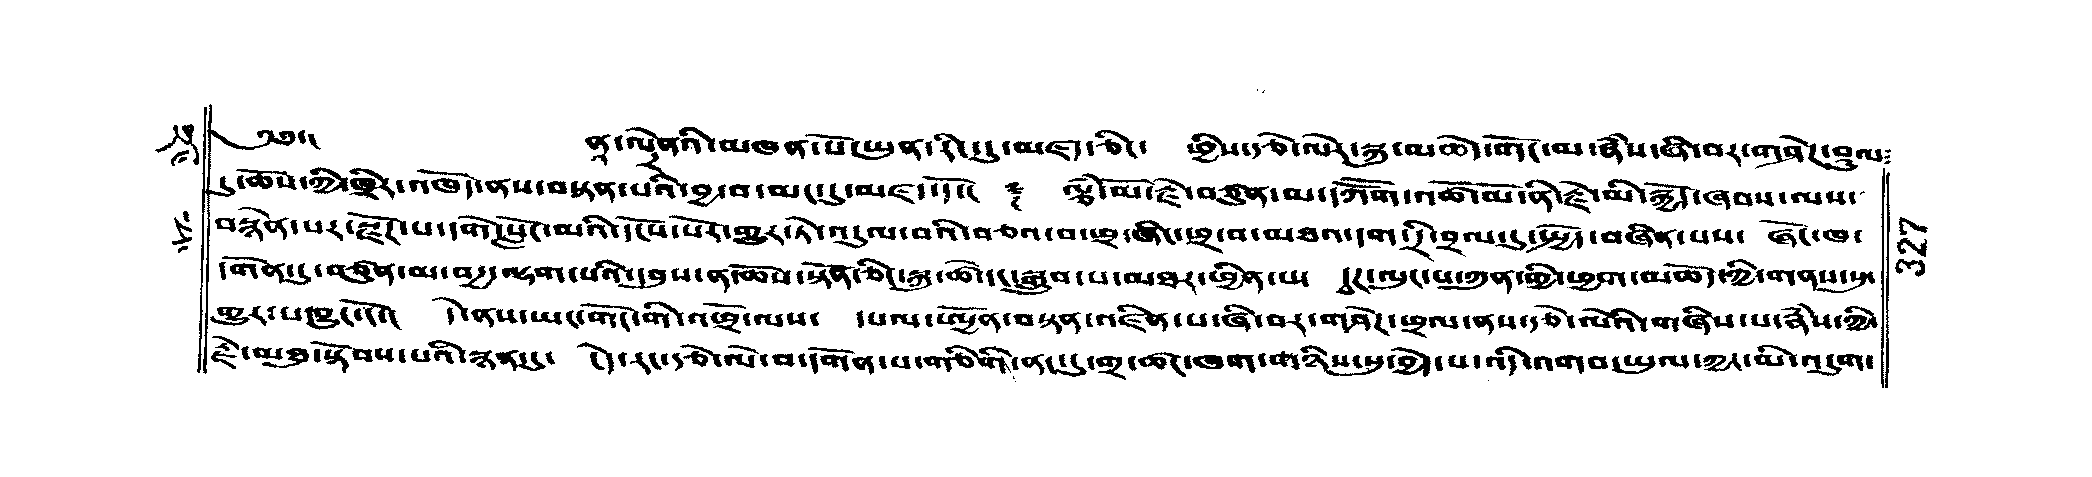ནཱ་ལེནྡྲའི་མཁན་པོ་ཡུན་རིང་དུ་མཛད་ཅིང་། ཕྱིས་རྩེ་ལེར་སྐུ་མཆེད་གོང་མ་རྣམས་ཞི་བར་གཤེགས་ཤུལ་
དུ་ཆོས་ཀྱི་ཁྲིར་འཁོད་ནས་བསྟན་པའི་བྱ་མ་མང་དུ་མཛད་དོ། ༈ ལྕམ་མོ་རྗེ་བཙུན་མ་དཀོན་མཆོག་མཚོ་མོ་ནི་རྗེ་མི་སྐྱོད་ཞབས་ལས་
བསྙེན་པར་རྫོགས་པ་དགེ་སློང་མའི་དངོས་པོར་གྱུར་ཏེ་འདུལ་བའི་བཅས་པ་ཕྲ་ཞིང་ཕྲ་བ་མཐའ་དག་དྲི་བྲལ་དུ་སྤྱོད་བཞིན་པས། ཞོང་ཁ་
དགོན་དུ་བཙུན་མ་བརྒྱ་ལྷག་པའི་དབུས་ན་ཆོས་སྟོན་ཅིང་སྐུ་ཚེ་དང་སྒྲུབ་པ་མཐར་ཕྱིན་པས། དྭགས་ལུང་པ་ཀུན་གྱི་ཕྱག་མཆོད་ཀྱི་གནས་སུ་
གྱུར་པ་བྱུང་ངོ་། དེ་ནས་ཡང་གོང་གི་འཕྲོ་ལས། དཔལ་ཨོ་རྒྱན་བསྟན་འཛིན་པ་ཞི་བར་གཤེགས་ཕྲལ་ནས་རྩེ་ལེའི་གཞིས་པ་རྣམས་ཀྱི་
རྗེ་མཐུ་སྟོབས་པའི་སྙན་དུ། ངེད་རང་རྩེ་ལེ་བ་དགོན་པ་གཅིག་གི་ནང་དུ་གྲྭ་ཚང་ཁག་གཉིས་སུ་བྱེད་པ་འདི་འགབ་ཡུལ་ཀྱང་མི་འདུག་